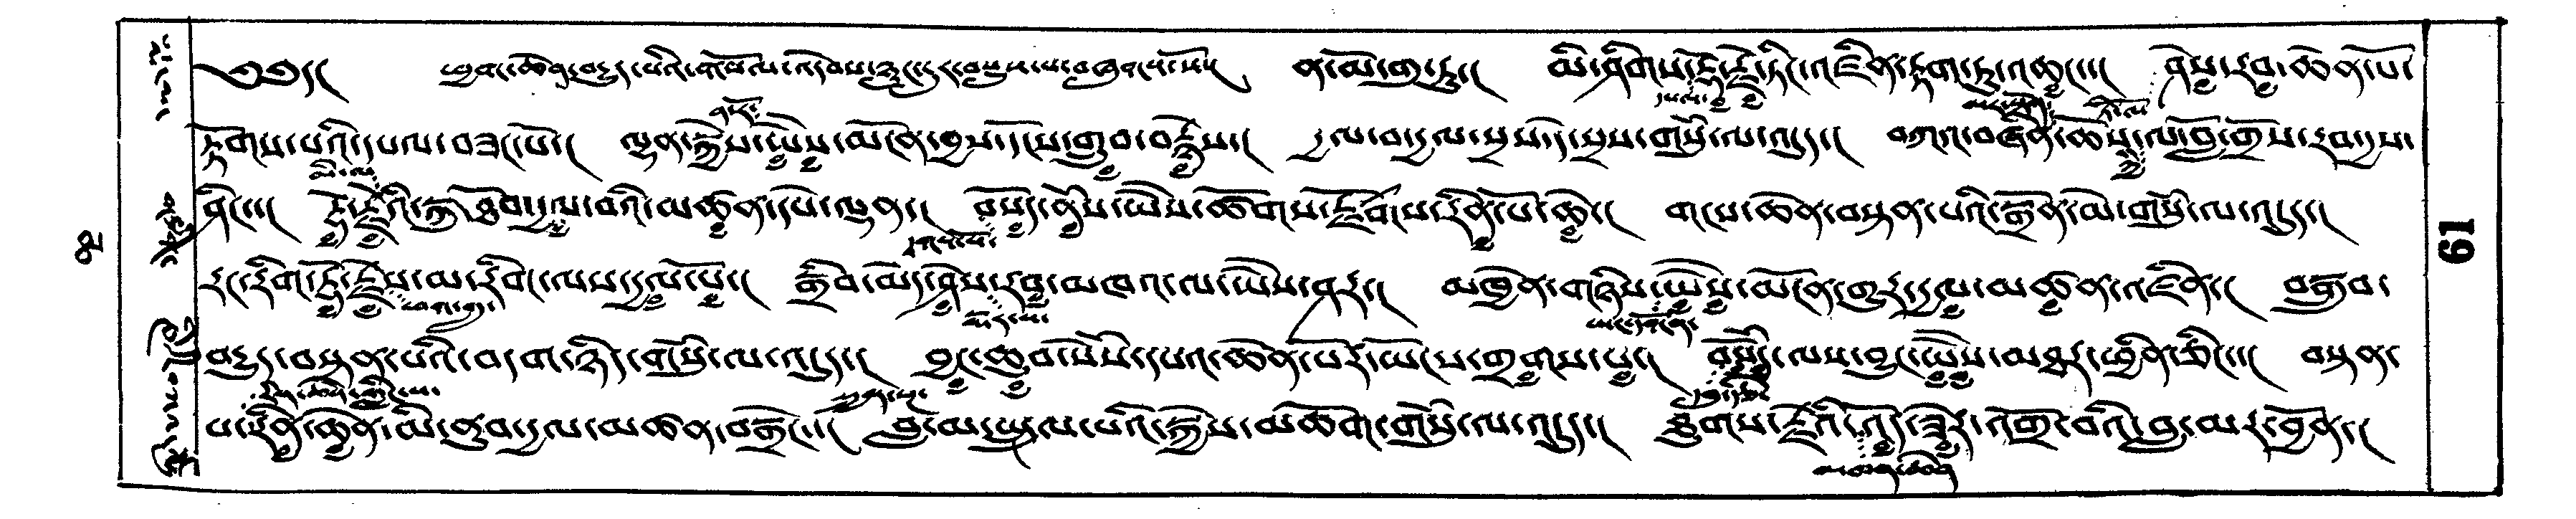༄༅། ཕྱག་ཆེན་བརྒྱུད་པའི་གསོལ་འདེབས་ཉུང་ངུར་བསྡུས་པ་བཞུགས་སོ། ན་མོ་གུ་རུ། མི་ཤིགས་རྡོ་རྗེ་ཏིང་འཛིན་རྟག་ཏུ་འཆང་། །ཤེས་རབ་ཆེན་པོ་
རྟོགས་པའི་དཔལ་བཟང་པོ། །ལྷན་སྐྱེས་ཡེ་ཤེས་མངོན་བྱས་དངོས་གྲུབ་བརྙེས། །རྒྱལ་བ་རྒྱལ་སྲས་དེ་སྲས་གསུམ་ལ་འདུད། །བཀའ་བཞིན་ཆོས་ལ་བློ་གྲོས་རབ་རྒྱས་
ཤིང་། །རྡོ་རྗེའི་སྐུ་ཐོབ་རྒྱལ་བའི་མཚན་དཔེ་ལྷན། །བསོད་ནམས་ཡེ་ཤེས་ཚོགས་རྫོགས་རིན་པོ་ཆེ། །གངས་ཆེན་བསྟན་པའི་སྒྲོན་མེ་གསུམ་ལ་འདུད། །
རང་རིག་རྡོ་རྗེ་མ་རིག་ལས་རྒྱལ་པོ། །སྒྲིབ་མེད་ཤེས་རབ་མཁའ་ལ་ཡེ་ཤེས་ཤར། །མཁྱེན་གཉིས་ཡེ་ཤེས་མངོན་གྱུར་རྒྱལ་མཚན་འཛིན། །བསྒྲུབ་
རྒྱུད་བསྟན་པའི་བདག་ཉིད་གསུམ་ལ་འདུད། །བྱང་ཆུབ་སེམས་དཔའ་ཆེན་པོར་ཡོངས་གྲགས་པ། །བསོད་ནམས་ལས་བྱུང་ཡེ་ཤེས་མཐར་ཕྱིན་ཅིང་། །བསྟན་
པ་རིན་ཆེན་མི་ནུབ་རྒྱལ་མཚན་བསྒྲེང་། །བླ་མ་སྤྲུལ་པའི་སྐྱེས་མཆོག་གསུམ་ལ་འདུད། །ཐུགས་རྗེའི་འོད་ཟེར་འགྲོ་བའི་བླ་མར་བྱོན།